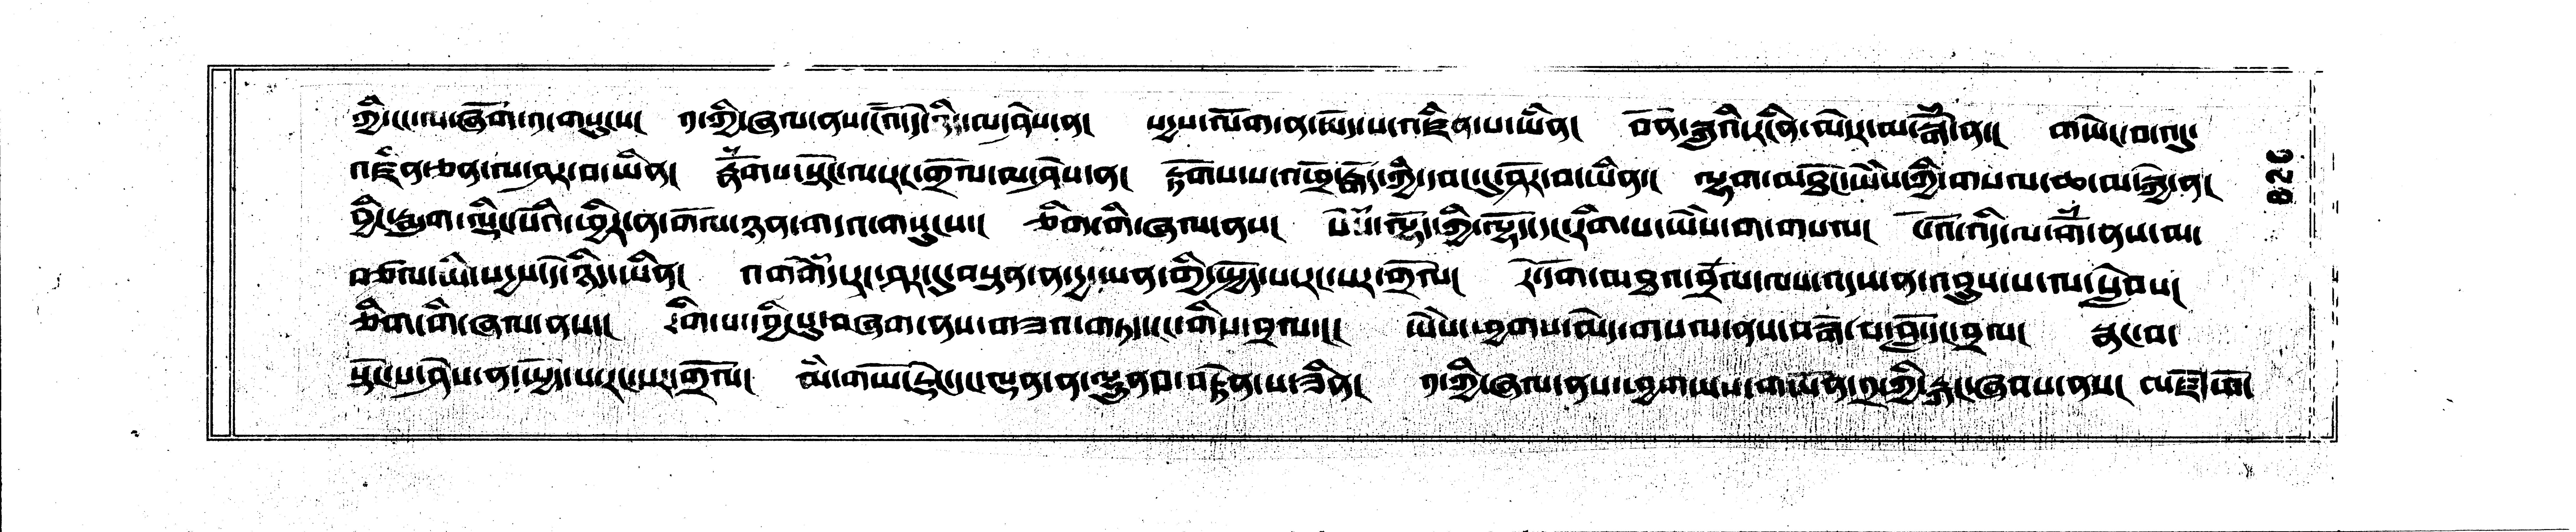ཀྱི་ངང་ལ་ཞོག་ཅིག་གསུངས། གཅིག་གི་ཞལ་ནས། ངོའོ་དེ་ཉིད་མ་ཤེས་ན། སངས་རྒྱས་ལོགས་ན་ཡོད་པར་འཛིན་པ་ཡིན། །བོན་སྐུའི་རང་བཞིན་མེད་པར་མ་བསྒོམས་ན། །གཡེང་བ་འདུ་
འཛིན་ཅན་ལ་ཤར་བ་ཡིན། །རྣམ་རྟོག་སྟོང་ལ་རང་གྲོལ་མ་ཤེས་ན། །རྟོག་པ་འཕྲོ་རྒོད་ཀྱི་དབང་དུ་ཤོར་བ་ཡིན། ལྷག་མཐོང་ཡེ་ཤེས་ཀྱི་གསལ་ཆ་མ་སྐྱེ་ན།
བྱིང་རྨུགས་ལྡིང་པོའི་ཕྱིར་ན་གོལ་ཉན་གདའ་གསུངས། གཅིག་གི་ཞལ་ནས། སེམས་ལྷོད་ཀྱིས་ལྷོད་དང་རིག་པ་ཡེ་ཤེས་ག་གསལ། ངོའོ་འདི་ལ་གོམས་ནས་མ་
བཙལ་ཡི་༼གི༽སངས་རྒྱས་དེ་ཉིད་ཡིན། འགག་མེད་རང་ཤར་དུ་བསྟན་ན་རྒྱ་ཡན་གྱི་སྤྱོད་པ་རང་སར་གྲོལ། རེ་དོགས་མཐའ་ལས་འདས་ན་འབྲས་བུ་ས་ལ་བསླེབས། 
གཅིག་གི་ཞལ་ནས། རིག་པ་དབྱིངས་སུ་བཞག་ནས་གཟའ་གཏད་ངང་གིས་བྲལ། ཡེ་ཤེས་ཕྱོགས་མེད་གསལ་ནས་སྒོམ་པ་བློ་དང་བྲལ། སྣང་བ་
སྟོང་པ་ཤེས་ན་སྤྱོད་པ་རང་སར་གྲོལ། མི་གཡོ་རྡེང་དང་ལྡན་ན་ལྷུན་གྲུབ་བརྟན་ས་ཟིན། གཅིག་གི་ཞལ་ནས། ཕྱག་གཡས་གཡོན་གཉིས་ཀྱི་རྐང་ཞབས་ནས། མཛོ་ཕོ་